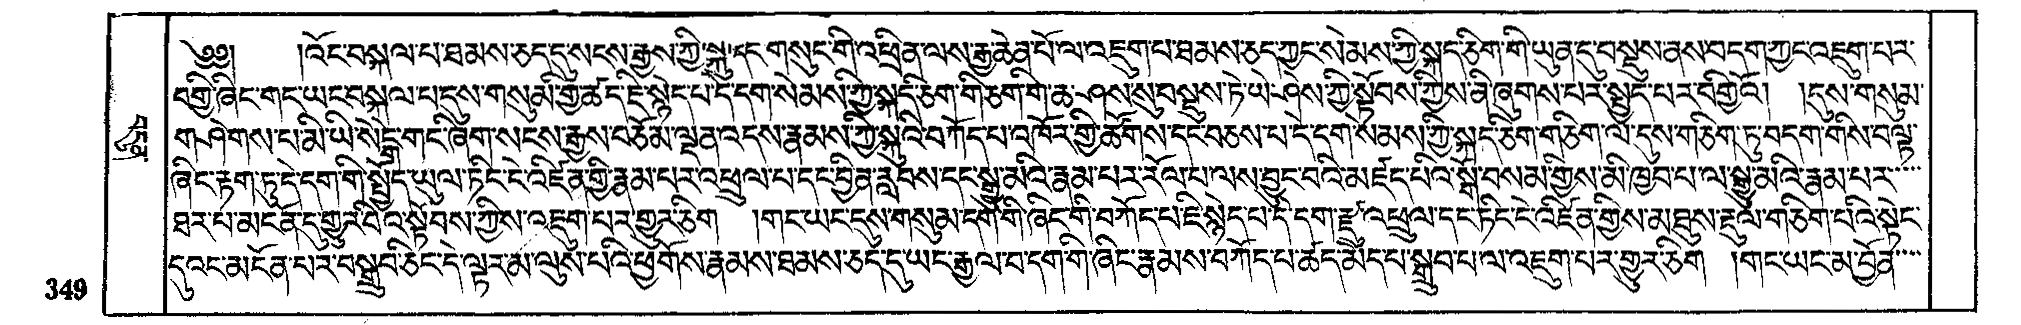༄༅། །འོང་བསྐལ་པ་ཐམས་ཅད་དུ་སངས་རྒྱས་ཀྱི་སྐུ་དང་གསུང་གི་འཕྲིན་ལས་རྒྱ་ཆེན་པོ་ལ་འཇུག་པ་ཐམས་ཅད་ཀྱང་སེམས་ཀྱི་སྐད་ཅིག་གི་ཡུན་དུ་བསྡུས་ནས་བདག་ཀྱང་འཇུག་པར་
བགྱི་ཞིང་གང་ཡང་བསྐལ་པ་དུས་གསུམ་གྱི་ཚད་ཇི་སྙེད་པ་དེ་དག་སེམས་ཀྱི་སྐད་ཅིག་གཅིག་གི་ཆ་ཤས་སུ་བསྡུས་ཏེ་ཡེ་ཤེས་ཀྱི་སྟོབས་ཀྱིས་ནི་ཞུགས་པར་སྤྱད་པར་བགྱིའོ། །དུས་གསུམ་
གཤེགས་པ་མི་ཡི་སེངྒེ་གང་ཞིག་སངས་རྒྱས་བཅོམ་ལྡན་འདས་རྣམས་ཀྱི་སྐུའི་བཀོད་པ་འཁོར་གྱི་ཚོགས་དང་བཅས་པ་དེ་དག་སེམས་ཀྱི་སྐད་ཅིག་གཅིག་ལ་དུས་གཅིག་ཏུ་བདག་གིས་བལྟ་
ཞིང་རྟག་ཏུ་དེ་དག་གི་སྤྱོད་ཡུལ་ཏིང་ངེ་འཛིན་གྱི་རྣམ་པར་འཕྲུལ་པ་དང་བྱིན་རླབས་དང་སྒྱུ་མའི་རྣམ་པར་རོལ་པ་ལས་བྱུང་བའི་མཛད་པའི་སྒོ་བསམ་གྱིས་མི་ཁྱབ་པ་ལ་སྒྱུ་མའི་རྣམ་པར་
ཐར་པ་མངོན་དུ་གྱུར་བའི་སྟོབས་ཀྱིས་འཇུག་པར་གྱུར་ཅིག །གང་ཡང་དུས་གསུམ་དག་གི་ཞིང་གི་བཀོད་པ་ཇི་སྙེད་པ་དེ་དག་རྫུ་འཕྲུལ་དང་ཏིང་ངེ་འཛིན་གྱིས་མཐུས་རྡུལ་གཅིག་པའི་སྟེང་
དུའང་མངོན་པར་བསྒྲུབ་ཅིང་དེ་ལྟར་མ་ལུས་པའི་ཕྱོགས་རྣམས་ཐམས་ཅད་དུ་ཡང་རྒྱལ་བ་དག་གི་ཞིང་རྣམས་བཀོད་པ་ཚད་མེད་པ་སྒྲུབ་པ་ལ་འཇུག་པར་གྱུར་ཅིག །གང་ཡང་མ་བྱོན་